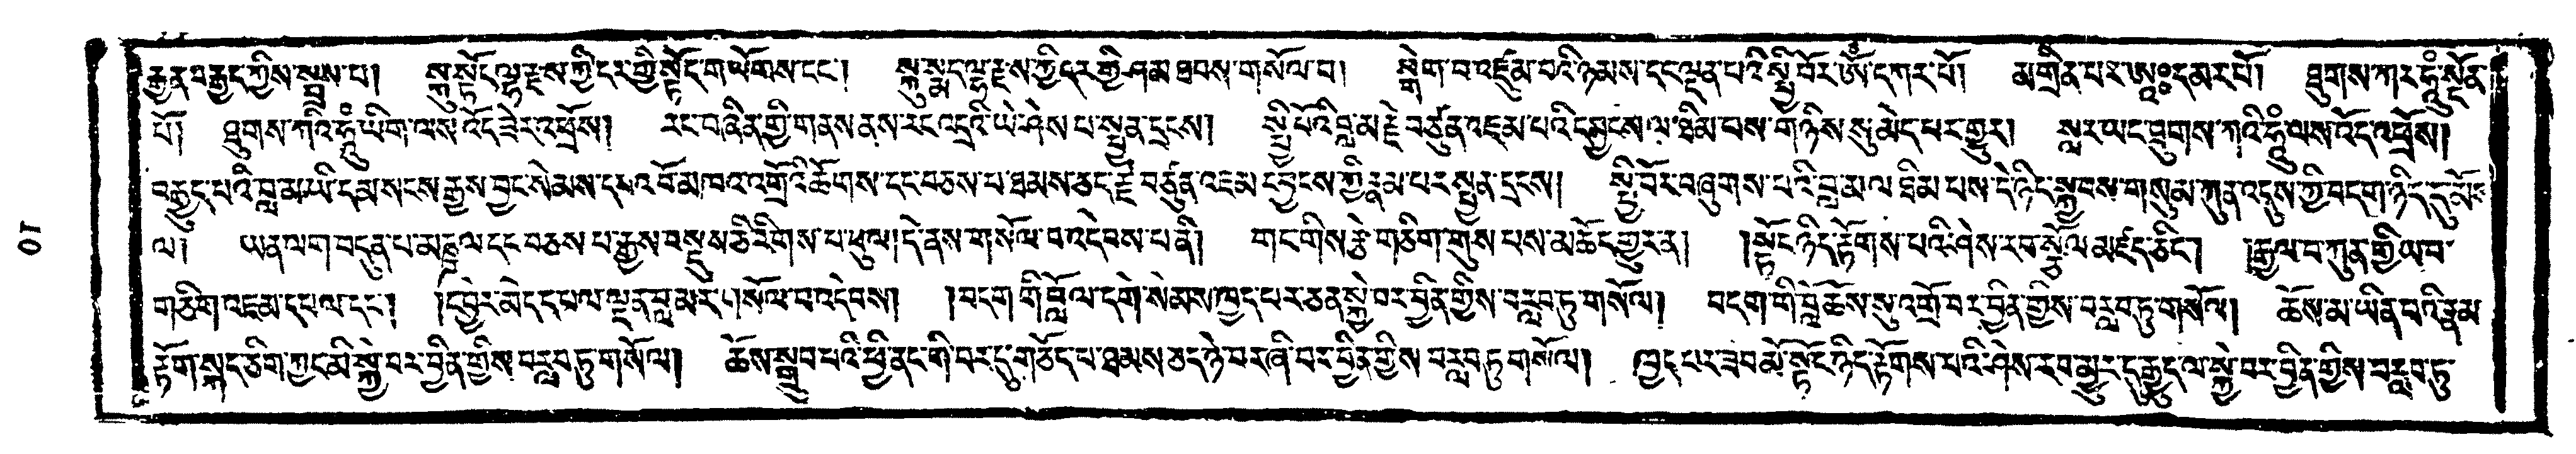རྒྱན་བརྒྱད་ཀྱིས་སྤྲས་པ། སྐུ་སྟོང་ལྷ་རྫས་ཀྱི་དར་གྱི་སྟོང་གཡོགས་དང་། སྐུ་སྨད་ལྷ་རྫས་ཀྱི་དར་གྱི་ཤམ་ཐབས་གསོལ་བ། སྒེག་བ་འཛུམ་པའི་ཉམས་དང་ལྡན་པའི་སྤྱི་བོར་ཨོཾ་དཀར་པོ། མགྲིན་པར་ཨཱཿ དམར་པོ། ཐུགས་ཀར་ཧཱུཾ་སྔོན་
པོ། ཐུགས་ཀའི་ཧཱུཾ་ཡིག་ལས་འོད་ཟེར་འཕྲོས། རང་བཞིན་གྱི་གནས་ནས་རང་འདྲའི་ཡེ་ཤེས་པ་སྤྱན་དྲངས། སྤྱི་པོའི་བླ་མ་རྗེ་བཙུན་འཇམ་པའི་དབྱངས་ལ་ཐིམ་པས་གཉིས་སུ་མེད་པར་གྱུར། སླར་ཡང་ཐུགས་ཀའི་ཧཱུཾ་ལས་འོད་འཕྲོས།
བརྒྱུད་པའི་བླ་མ་ཡི་དམ་སངས་རྒྱས་བྱང་སེམས་དཔའ་བོ་མཁའ་འགྲོའི་ཆོགས་དང་བཅས་པ་ཐམས་ཅད་རྗེ་བཙུན་འཇམ་དབྱངས་ཀྱི་རྣམ་པར་སྤྱན་དྲངས། སྤྱི་བོར་བཞུགས་པའི་བླ་མ་ལ་ཐིམ་པས་དེ་ཉིད་སྐྱབས་གསུམ་ཀུན་འདུས་ཀྱི་བདག་ཉིད་དུ་མོས་
ལ། ཡན་ལག་བདུན་པ་མཎྜལ་དང་བཅས་པ་རྒྱས་བསྡུས་ཅི་རིགས་པ་ཕུལ། དེ་ནས་གསོལ་བ་འདེབས་པ་ནི། གང་གིས་རྩེ་གཅིག་གུས་པས་མཆོད་གྱུར་ན། །སྟོང་ཉིད་རྟོགས་པའི་ཤེས་རབ་སྩོལ་མཛད་ཅིང་། །རྒྱལ་བ་ཀུན་གྱི་ཡབ་
གཅིག་འཇམ་དཔལ་དང་། །དབྱེར་མེད་དཔལ་ལྡན་བླ་མར་གསོལ་བ་འདེབས། །བདག་གི་བློ་ལ་དགེ་སེམས་ཁྱད་པར་ཅན་སྐྱེ་བར་བྱིན་གྱིས་བརླབ་ཏུ་གསོལ། བདག་གི་བློ་ཆོས་སུ་འགྲོ་བར་བྱིན་གྱིས་བརླབ་ཏུ་གསོལ། ཆོས་མ་ཡིན་པའི་རྣམ་
རྟོག་སྐད་ཅིག་ཀྱང་མི་སྐྱེ་བར་བྱིན་གྱིས་བརླབ་ཏུ་གསོལ། ཆོས་སྒྲུབ་པའི་ཕྱི་ནང་གི་བར་དུ་གཅོད་པ་ཐམས་ཅད་ཉེ་བར་ཞི་བར་བྱིན་གྱིས་བརླབ་ཏུ་གསོལ། ཁྱད་པར་ཟབ་མོ་སྟོང་ཉིད་རྟོགས་པའི་ཤེས་རབ་མྱུར་དུ་རྒྱུད་ལ་སྐྱེ་བར་བྱིན་གྱིས་བརླབ་ཏེ་